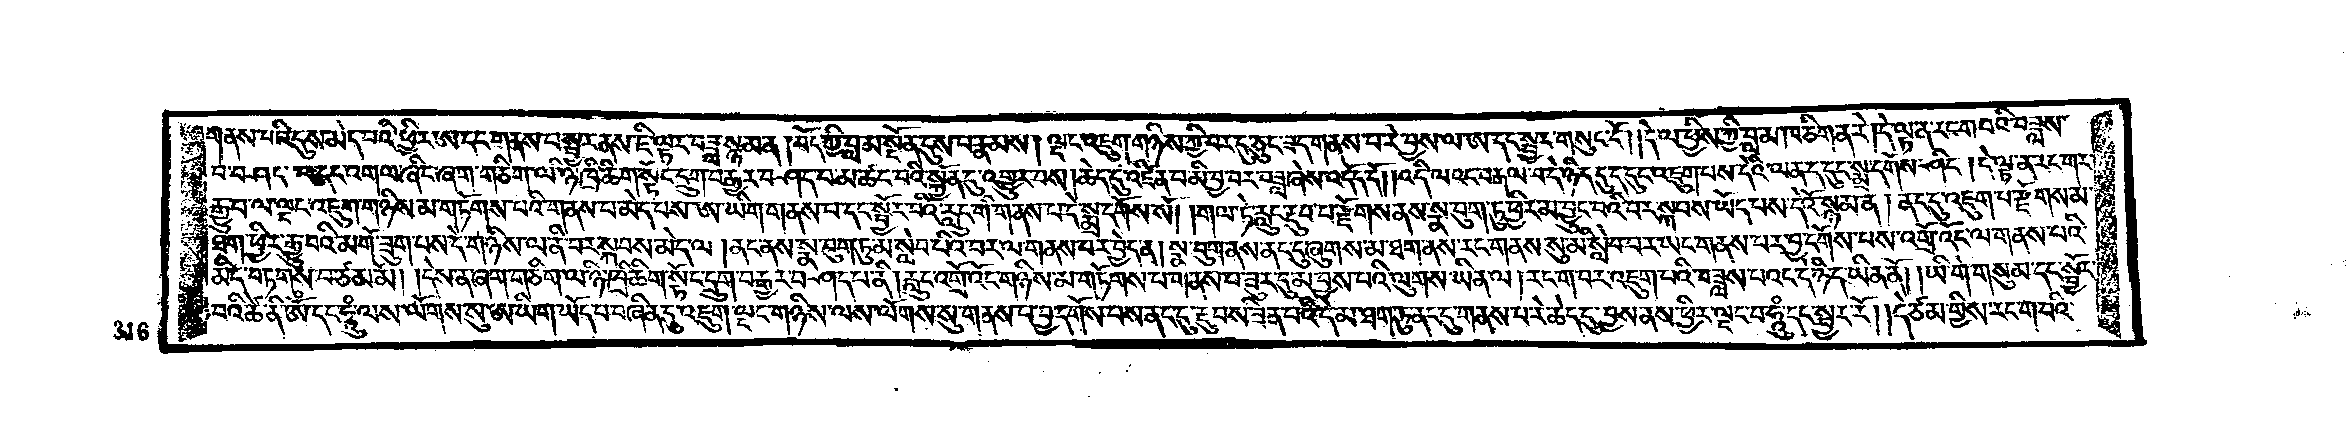གནས་པའི་དུས་མེད་པའི་ཕྱིར་ཨ་དང་གནས་བ་སྦྱར་ནས་ཇི་ལྟར་བཟླ་སྙམ་ན། བོད་ཀྱི་བླ་མ་སྔོན་དུས་པ་རྣམས། ལྡང་འཇུག་གཉིས་ཀྱི་བར་དུ་ཅུང་ཟད་གནས་པ་རེ་བྱས་ལ་ཨ་དང་སྦྱར་གསུང་ངོ། །དེ་ལ་ཕྱིས་ཀྱི་བླ་མ་ཁ་ཅིག་ན་རེ། དེ་ལྟ་ན་རང་ག་བའི་བཟླས་
པ་བཤད་པ་དང་འགལ་ཞིང་ཞག་གཅིག་ལ་ཉི་ཁྲི་ཆིག་སྟོང་དྲུག་བརྒྱར་བཤད་པ་མ་ཚང་བའི་སྐྱོན་དུ་འགྱུར་བས། ཆེད་དུ་འཛིན་པ་མི་བྱ་བར་བཟླ་ཞེས་འདོད་དོ། །འདི་ལའང་བརྒལ་བ་དེ་ཉིད་དུ་ད་དུང་འཇུག་པས་དེའི་ལན་ད་དུང་སྨྲ་དགོས་ཤིང་། དེ་ལྟ་ན་རང་གར་
རྒྱུ་བ་ལ་ལྡང་འཇུག་གཉིས་མ་གཏོགས་པའི་གནས་པ་མེད་པས་ཨ་ཡིག་གནས་པ་དང་སྦྱོར་བའི་རླུང་གི་གནས་པ་དེ་སྨྲ་དགོས་སོ། །གལ་ཏེ་རླུང་རྡུབ་པ་རྫོགས་ནས་སྣ་བུག་ཏུ་ཕྱིར་མ་བྱུང་བའི་བར་སྐབས་ཡོད་པས་དེའོ་སྙམ་ན། ནང་དུ་འཇུག་པ་རྫོགས་མ་
ཐོག་ཕྱིར་རྒྱུ་བའི་མགོ་ཟུག་པས་དེ་གཉིས་ལ་ནི་བར་སྐབས་མེད་ལ། ནང་ནས་སྣ་བུག་ཏུ་མ་སླེབ་པའི་བར་ལ་གནས་པར་བྱེད་ན། སྣ་བུག་ནས་ནང་དུ་ཞུགས་མ་ཐག་ནས་རང་གནས་སུ་མི་སླེབ་བར་ཡང་གནས་པར་བྱ་དགོས་པས་འགྲོ་འོང་ལ་གནས་པའི་
མིང་བཏགས་པ་ཙམ་མོ། །དེས་ན་ཞག་གཅིག་ལ་ཉི་ཁྲི་ཆིག་སྟོང་དྲུག་བརྒྱར་བཤད་པ་ནི། རླུང་འགྲོ་འོང་གཉིས་མ་གཏོགས་པ་གནས་པ་ཟུར་དུ་མ་བྱས་པའི་ལུགས་ཡིན་ལ། རང་ག་བར་འཇུག་པའི་བཟླས་པའང་དེ་ཉིད་ཡིན་ནོ། །ཡི་གེ་གསུམ་དང་སྦྱོར་
བའི་ཚེ་ནི་ཨོཾ་དང་ཧཱུཾ་ལས་ལོགས་སུ་ཨ་ཡིག་ཡོད་པ་བཞིན་དུ་འཇུག་ལྡང་གཉིས་ལས་ལོགས་སུ་གནས་པ་བྱ་དགོས་པས་ནང་དུ་རྔུབས་ཟིན་པའི་དེ་མ་ཐག་ཏུ་ནང་དུ་གནས་པ་རེ་ཆེད་དུ་བྱས་ནས་ཕྱིར་ལྡང་བ་ཧཱུཾ་དང་སྦྱར་རོ། །དེ་ཙམ་གྱིས་རང་ག་བའི་